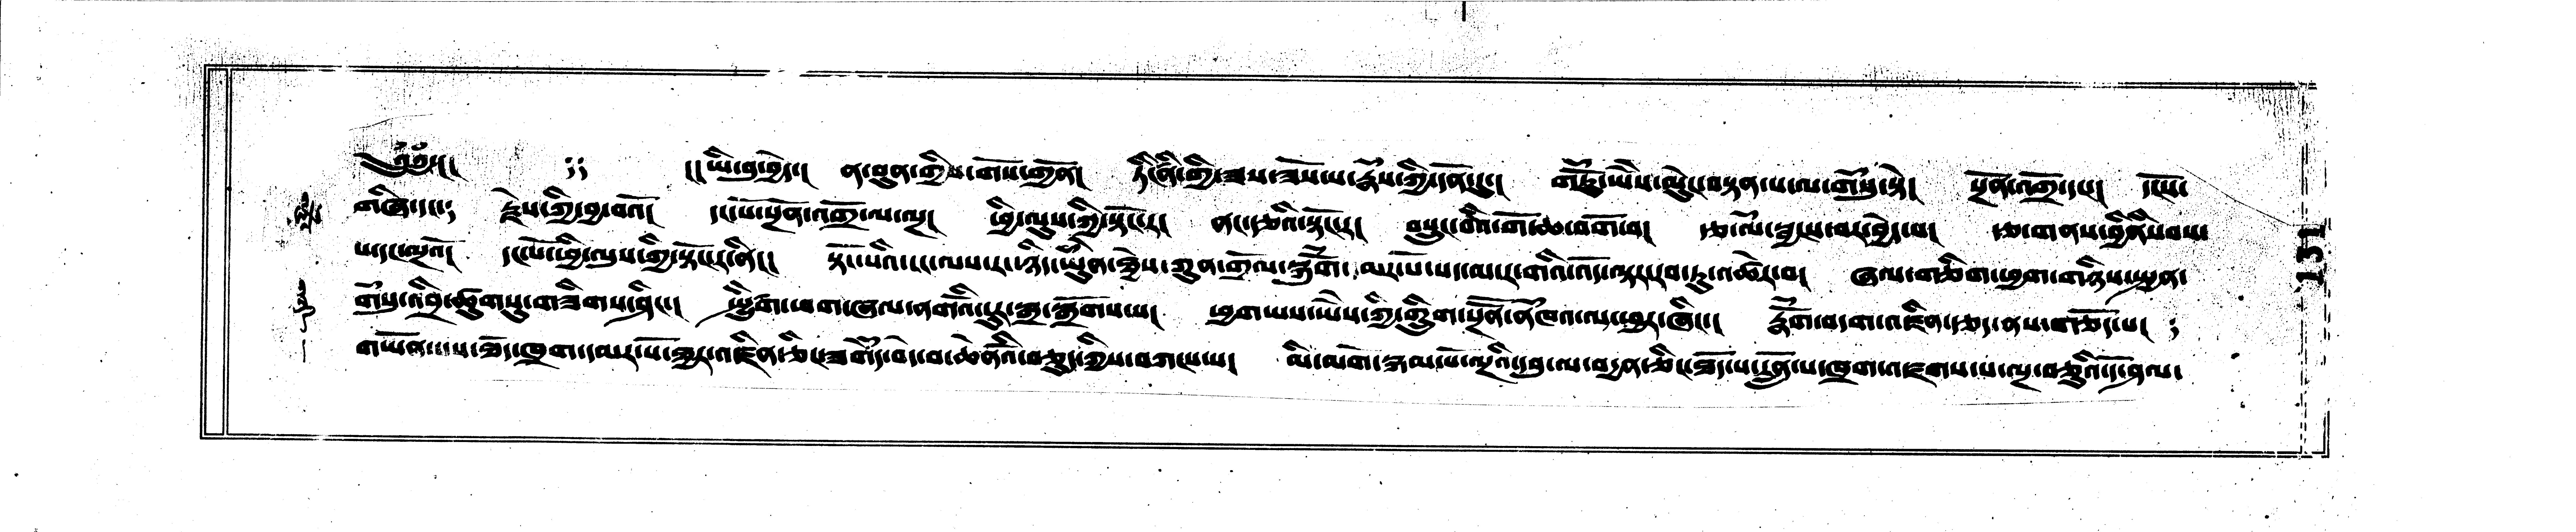ཡི་བུ་བྱེད། ན་བུན་གྱི་གོས་གྱོན། ཏིང་འཛིན་གྱི་ཟས་ཟོས་པ་རྣམས་ཀྱི་དོན་དུ། གཏུམ་མོ་ཡེ་ཤེས་མེ་དཔུང་བསྟན་པ་ལ་གསུམ་སྟེ། སྔོན་འགྲོ་དང་། དངོས་
གཞི་དང་། རྗེས་ཀྱི་བྱ་བའོ། །དང་པོ་སྔོན་འགྲོ་ལ་ལྔ། ཕྱི་ལུས་ཀྱི་སྟོང་ར། ནང་རྩའི་སྟོང་ར། བསྲུང་བའི་གོ་ཆ་བགོ་བ། རྩ་ལམ་སྦྱང་བར་བྱེད་པ། རྩ་གནས་བྱིན་གྱིས་བརླབས་
པ་དང་ལྔའོ། །དང་པོ་ཕྱི་ལུས་ཀྱི་སྟོང་ར་ནི། སྟོང་པའི་ངང་ལས་རང་ཉིད་ཡུམ་ཆེན་ཐུགས་རྗེ་ཀུན་སྒྲོལ་སྐུ་མདོག་དམར་པོ་པད་མ་ར་གའི་འོད་ལྟར་རབ་ཏུ་འཚེར་བ། ཞལ་གཅིག་ཕྱག་གཉིས་སྤྱན་
གསུམ་འབྲི་ཚུགས་སུ་གཟིགས་ཤིང་། སྤྱི་གཙུག་ཕག་ཞལ་ནག་པོའི་འུར་སྒྲ་སྒྲོགས་པ། ཕྱག་གཡས་ཡེ་ཤེས་ཀྱི་གྲི་ཁུག་སྔོན་པོ་ནམ་མཁའ་ལ་ཕྱར་ཞིང་། རྣམ་རྟོག་བདག་འཛིན་རྩད་ནས་གཅོད་པ། 
གཡོན་པས་ཐོད་ཁྲག་དམར་པོ་ཐུགས་ཀར་འཛིན་ཅིང་ཟག་མེད་བདེ་བ་ཆེན་པོའི་བཅུད་ཀྱིས་བཀང་པ། མི་མགོ་སྐམ་པོ་ལྔའི་དབུ་ལ་བརྒྱན་ཅིང་ཐོད་པ་རློན་པ་ཁྲག་འཛགས་པ་ལྔ་བཅུའི་དོ་ཤལ་